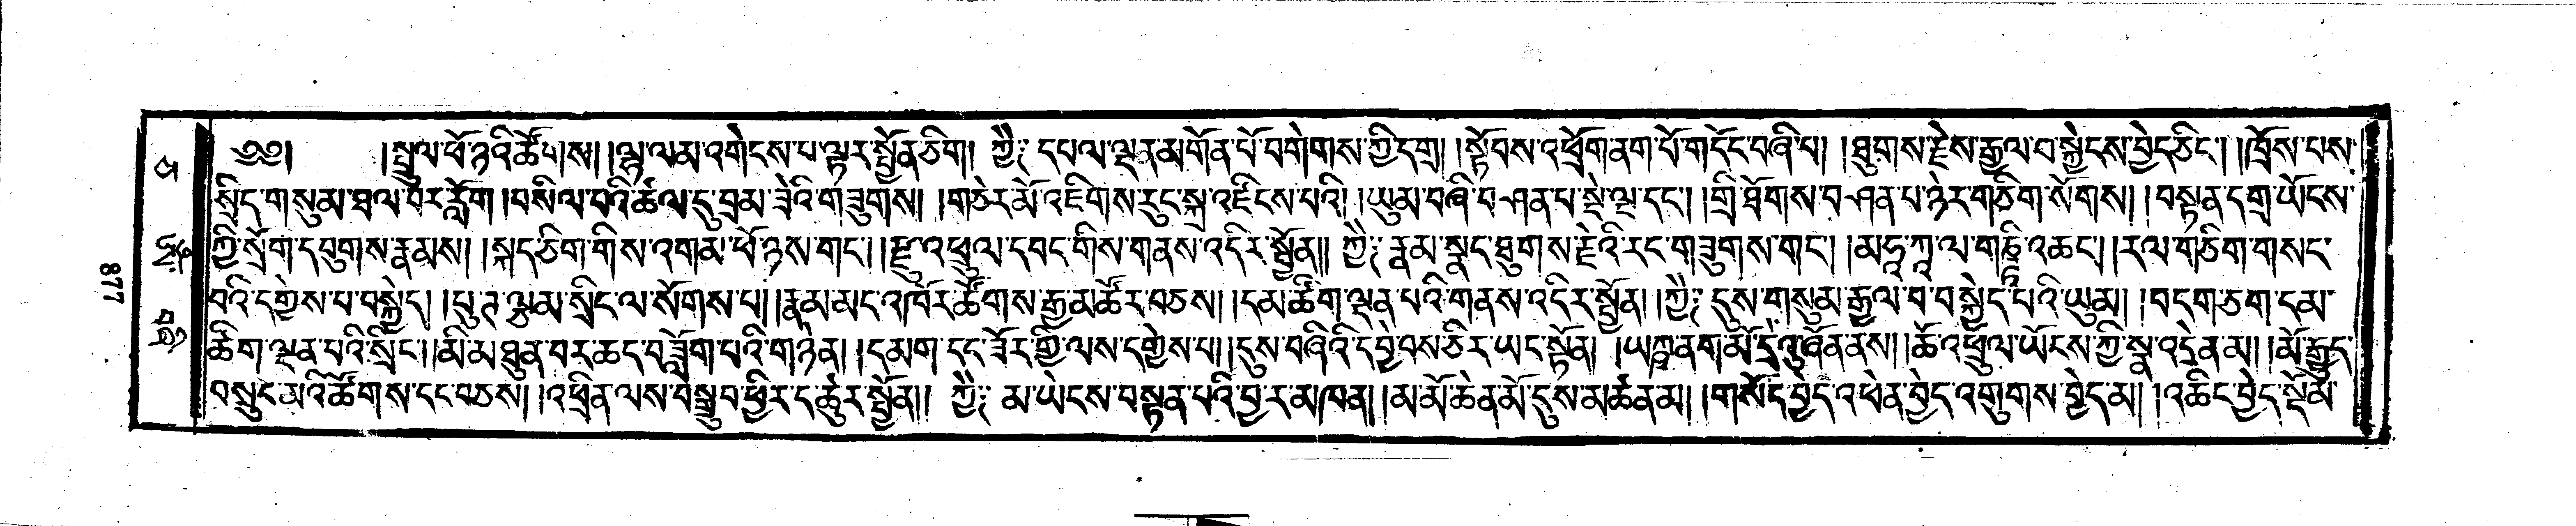༄༅། །སྤྲུལ་ཕོ་ཉའི་ཚོགས། །ལྷ་ལམ་འགེངས་པ་ལྟར་སྤྱོན་ཅིག །ཀྱཻ༑ དཔལ་ལྡན་མགོན་པོ་བགེགས་ཀྱི་དགྲ། །སྟོབས་འཕྲོག་ནག་པོ་གདོང་བཞི་པ། །ཐུགས་རྗེས་རྒྱལ་བ་སྐྱེངས་བྱེད་ཅིང་། །ཁྲོས་པས་
སྲིད་གསུམ་ཐལ་བར་རློག །བསིལ་བའི་ཚལ་དུ་བྲམ་ཟེའི་གཟུགས། །གཅེར་མོ་འཇིགས་རུང་སྐྲ་འཛིངས་པའི། །ཡུམ་བཞི་བཤན་པ་སྡེ་ལྔ་དང་། །གྲི་ཐོགས་བཤན་པ་ཉེར་གཅིག་སོགས། །བསྟན་དགྲ་ཡོངས་
ཀྱི་སྲོག་དབུགས་རྣམས། །སྐད་ཅིག་གིས་འགམ་ཕོ་ཉས་གང་། །རྫུ་འཕྲུལ་དབང་གིས་གནས་འདིར་སྤྱོན།། ཀྱཻ༑ རྣམ་སྣང་ཐུགས་རྗེའི་རང་གཟུགས་གང་། །མཧཱ་ཀཱ་ལ་གཎྜཱི་འཆང་། །རལ་གཅིག་གསང་
བའི་དགྱེས་པ་བསྐྱེད། །པུ་ཊ་ལྕམ་སྲིང་ལ་སོགས་པ། །རྣམ་མང་འཁོར་ཚོགས་རྒྱ་མཚོར་བཅས། །དམ་ཚིག་ལྡན་པའི་གནས་འདིར་སྤྱོན།། ཀྱཻ༑ དུས་གསུམ་རྒྱལ་བ་བསྐྱེད་པའི་ཡུམ། །བདག་ཅག་དམ་
ཚིག་ལྡན་པའི་སྲིང་། །མི་མཐུན་བར་ཆད་བཟློག་པའི་གཉེན། །དམག་དང་ཟོར་གྱི་ལས་དགྱེས་པ། །དུས་བཞིའི་དབྱེ་བས་ཅིར་ཡང་སྟོན། །ཡཀྵ་ནག་མོ་དྲེའུ་ཞོན་ནས། །ཆོ་འཕྲུལ་ཡོངས་ཀྱི་སྣ་འདྲེན་མ། །མོ་རྒྱུད་
བསྲུང་མའི་ཚོགས་དང་བཅས། །འཕྲིན་ལས་བསྒྲུབ་ཕྱིར་ད་ཚུར་སྤྱོན།། ཀྱཻ༑ མ་ཡེངས་བསྟན་པའི་བྱ་ར་མཁན། །མ་མོ་ཆེན་མོ་དུས་མཚན་མ། །གསོད་བྱེད་འཕེན་བྱེད་འགུགས་བྱེད་མ། །འཆིང་བྱེད་སྡོམ་